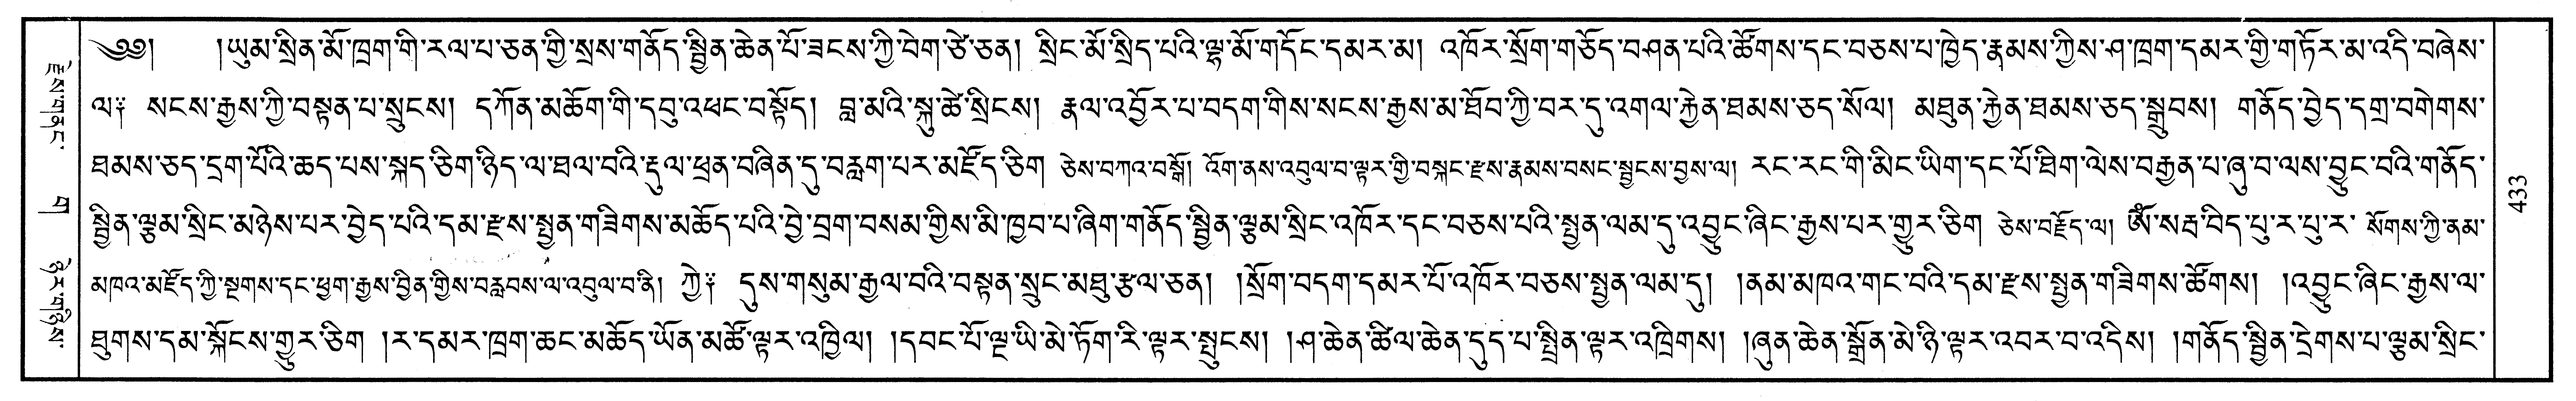༄༅། །ཡུམ་སྲིན་མོ་ཁྲག་གི་རལ་པ་ཅན་གྱི་སྲས་གནོད་སྦྱིན་ཆེན་པོ་ཟངས་ཀྱི་བེག་ཙེ་ཅན། སྲིང་མོ་སྲིད་པའི་ལྷ་མོ་གདོང་དམར་མ། འཁོར་སྲོག་གཅོད་བཤན་པའི་ཚོགས་དང་བཅས་པ་ཁྱེད་རྣམས་ཀྱིས་ཤ་ཁྲག་དམར་གྱི་གཏོར་མ་འདི་བཞེས་
ལ༑ སངས་རྒྱས་ཀྱི་བསྟན་པ་སྲུངས། དཀོན་མཆོག་གི་དབུ་འཕང་བསྟོད། བླ་མའི་སྐུ་ཚེ་སྲིངས། རྣལ་འབྱོར་པ་བདག་གིས་སངས་རྒྱས་མ་ཐོབ་ཀྱི་བར་དུ་འགལ་རྐྱེན་ཐམས་ཅད་སོལ། མཐུན་རྐྱེན་ཐམས་ཅད་སྒྲུབས། གནོད་བྱེད་དགྲ་བགེགས་
ཐམས་ཅད་དྲག་པོའི་ཆད་པས་སྐད་ཅིག་ཉིད་ལ་ཐལ་བའི་རྡུལ་ཕྲན་བཞིན་དུ་བརླག་པར་མཛོད་ཅིག་ཅེས་བཀའ་བསྒོ། འོག་ནས་འབུལ་བ་ལྟར་གྱི་བསྐང་རྫས་རྣམས་བསང་སྦྱངས་བྱས་ལ། རང་རང་གི་མིང་ཡིག་དང་པོ་ཐིག་ལེས་བརྒྱན་པ་ཞུ་བ་ལས་བྱུང་བའི་གནོད་
སྦྱིན་ལྕམ་སྲིང་མཉེས་པར་བྱེད་པའི་དམ་རྫས་སྤྱན་གཟིགས་མཆོད་པའི་བྱེ་བྲག་བསམ་གྱིས་མི་ཁྱབ་པ་ཞིག་གནོད་སྦྱིན་ལྕམ་སྲིང་འཁོར་དང་བཅས་པའི་སྤྱན་ལམ་དུ་འབྱུང་ཞིང་རྒྱས་པར་གྱུར་ཅིག་ཅེས་བརྗོད་ལ། ཨོཾ་སརྦ་བིད་པུ་ར་པུ་ར་སོགས་ཀྱི་ནམ་
མཁའ་མཛོད་ཀྱི་སྔགས་དང་ཕྱག་རྒྱས་བྱིན་གྱིས་བརླབས་ལ་འབུལ་བ་ནི། ཀྱེ༑ དུས་གསུམ་རྒྱལ་བའི་བསྟན་སྲུང་མཐུ་རྩལ་ཅན། །སྲོག་བདག་དམར་པོ་འཁོར་བཅས་སྤྱན་ལམ་དུ། །ནམ་མཁའ་གང་བའི་དམ་རྫས་སྤྱན་གཟིགས་ཚོགས། །འབྱུང་ཞིང་རྒྱས་ལ་
ཐུགས་དམ་སྐོངས་གྱུར་ཅིག །ར་དམར་ཁྲག་ཆང་མཆོད་ཡོན་མཚོ་ལྟར་འཁྱིལ། །དབང་པོ་ལྔ་ཡི་མེ་ཏོག་རི་ལྟར་སྤུངས། །ཤ་ཆེན་ཚིལ་ཆེན་དུད་པ་སྤྲིན་ལྟར་འཁྲིགས། །ཞུན་ཆེན་སྒྲོན་མེ་ཉི་ལྟར་འབར་བ་འདིས། །གནོད་སྦྱིན་དྲེགས་པ་ལྕམ་སྲིང་